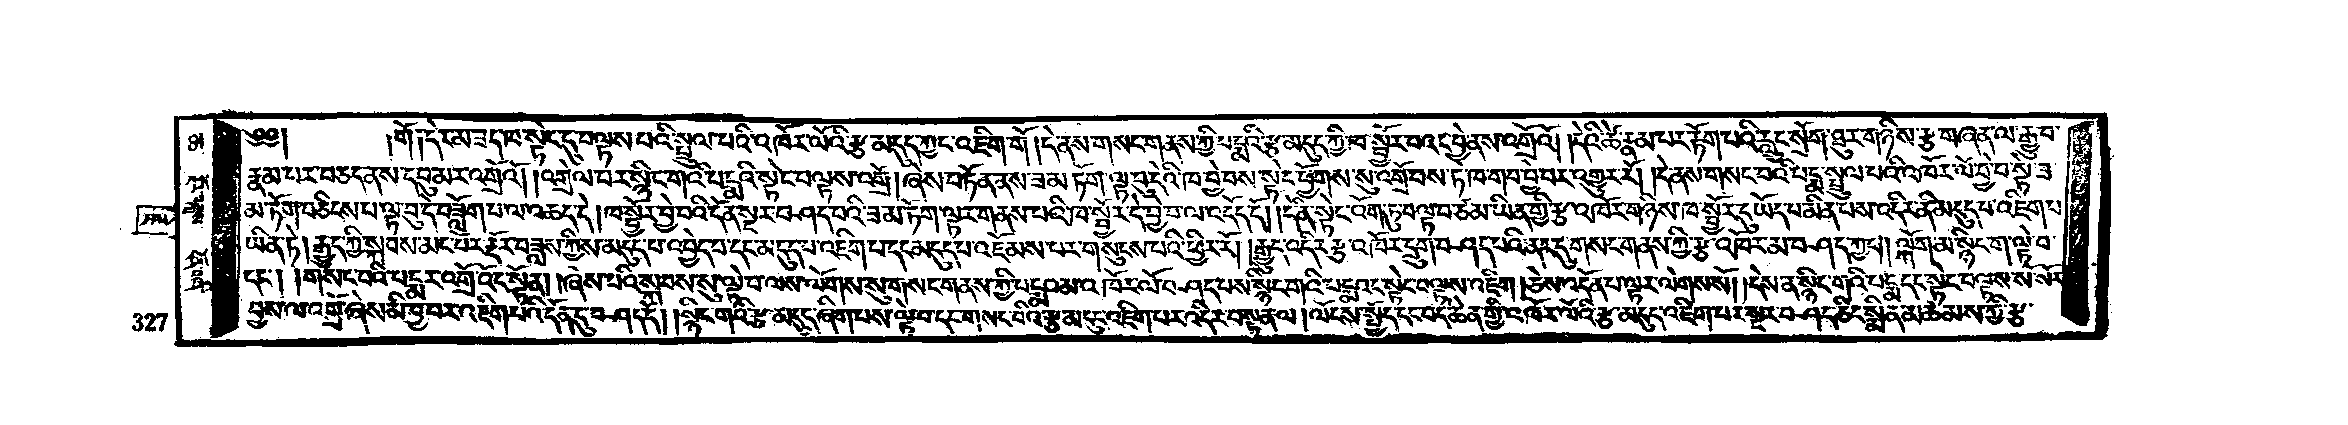༄༅། །གོ༑ དེར་མ་ཟད་ཁ་སྟེང་དུ་བླས་པའི་སྤྲུལ་པའི་འཁོར་ལོའི་རྩ་མདུད་ཀྱང་འཇིག་གོ །དེ་ནས་གསང་གནས་ཀྱི་པདམའི་རྩ་མདུད་ཀྱི་ཁ་སྦྱོར་བའང་བྱེ་ནས་འགྲོའོ། །དེའི་ཚེ་རྣམ་པར་རྟོག་པའི་རླུང་སྲོག་ཐུར་གཉིས་རྩ་གནན་ལ་རྒྱུ་བ་
རྣམ་པར་བཅད་ནས་དབུ་མར་འགྲོའོ། །འགྲེལ་པར་སྙིང་གའི་པདམའི་སྟེང་བལྟས་འགྲོ། ཞེས་བཏོན་ནས་ཟ་མ་ཏོག་ལྟ་བུ་དེའི་ཁ་བྱེ་བས་སྟེང་ཕྱོགས་སུ་འགྲོ་བས་ཏེ་ཁ་གབ་བྱེ་བར་འགྱུར་རོ། །དེ་ནས་གསང་བའི་པདམ་སྤྲུལ་པའི་འཁོར་ལོ་བྱེ་བ་སྟེ་ཟ་
མ་ཏོག་བཅིངས་པ་ལྟ་བུ་དེ་བཟློག་པ་ལ་འཆད་དེ། ཁ་སྦྱོར་བྱེ་བའི་དོན་སྔར་བཤད་པའི་ཟ་མ་ཏོག་ལྟར་གནས་པའི་ཁ་སྦྱོར་དེ་བྱེ་བ་ལ་འདོད་དོ། །དེ་ནི་སྟེང་འོག་ཏུ་བལྟ་བ་ཙམ་ཡིན་གྱི་རྩ་འཁོར་གཉིས་ཁ་སྦྱོར་དུ་ཡོད་པ་མིན་པས་འདིར་ནི་མདུད་པ་འཇིག་པ་
ཡིན་ཏེ། རྒྱུད་ཀྱི་སྐབས་མང་པོར་རྡོར་བཟླས་ཀྱིས་མདུད་པ་འབྱེད་པ་དང་མདུད་པ་འཇིག་པ་དང་མདུད་པ་འཇོམས་པར་གསུངས་པའི་ཕྱིར་རོ། །རྒྱུད་འདིར་རྩ་འཁོར་དྲུག་བཤད་པའི་ནང་དུ་གསང་གནས་ཀྱི་རྩ་འཁོར་མ་བཤད་ཀྱང་། ལྐོག་མ་སྙིང་ག་ལྟེ་བ་
དང་། །གསང་བའི་པདམར་འགྲོ་འོང་སྟོན། །ཞེས་པའི་སྐབས་སུ་ལྟེ་པ་ལས་ལོགས་སུ་གསང་གནས་ཀྱི་པདམའམ་འཁོར་ལོ་བཤད་པས་སྙིང་གའི་པདམའང་སྟེང་བལྟས་འཇིག །ཅེས་འདོན་པ་ལྟར་ལེགས་སོ། །དེས་ན་སྙིང་གའི་པདམ་དང་སྟེང་ལྟས་སོ་སོར་
བྱས་ལ་འགྲོ་ཞེས་མི་བྱ་བར་འཇིག་པའི་དོན་དུ་བཤད་དོ། །སྙིང་གའི་རྩ་མུད་ཞིག་པས་ལྟེ་བ་དང་གསང་བའི་རྩ་མདུད་འཇིག་པར་འདིར་བསྟན་ལ། ལོངས་སྤྱོད་དང་བདེ་ཆེན་གྱི་འཁོར་ལོའི་རྩ་མདུད་འཇིག་པར་སྔར་བཤད་ཅིང་སྨིན་མཚམས་ཀྱི་རྩ་